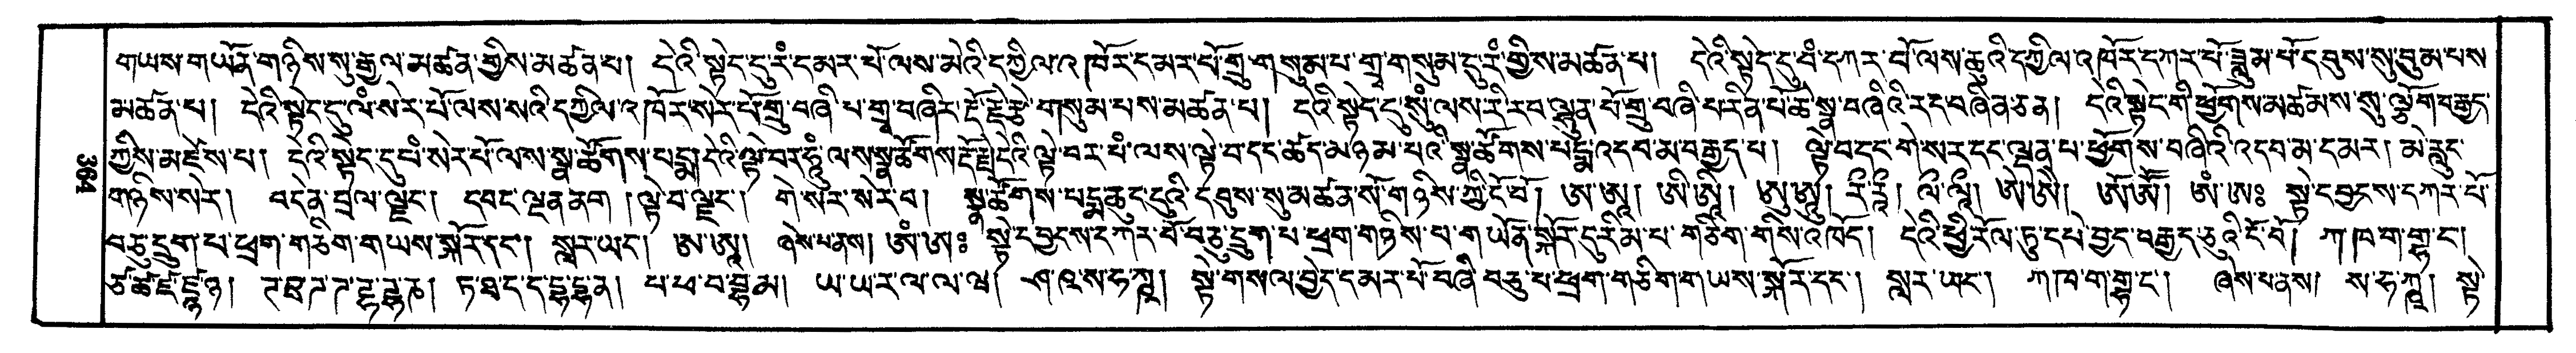གཡས་གཡོན་གཉིས་སུ་རྒྱལ་མཚན་གྱིས་མཚན་པ། དེའི་སྟེང་དུ་རཾ་དམར་པོ་ལས་མེའི་དཀྱིལ་འཁོར་དམར་པོ་གྲུ་གསུམ་པ་གྲྭ་གསུམ་དུ་རཾ་གྱིས་མཚན་པ། དེའི་སྟེང་དུ་བཾ་དཀར་པོ་ལས་ཆུའི་དཀྱིལ་འཁོར་དཀར་པོ་ཟླུམ་པོ་དབུས་སུ་བུམ་པས་
མཚན་པ། དེའི་སྟེང་དུ་ལཾ་སེར་པོ་ལས་སའི་དཀྱིལ་འཁོར་སེར་པོ་གྲུ་བཞི་པ་གྲྭ་བཞིར་རྡོ་རྗེ་རྩེ་གསུམ་པས་མཚན་པ། དེའི་སྟེང་དུ་སུཾ་ལས་རི་རབ་ལྷུན་པོ་གྲུ་བཞི་པ་རིན་པོ་ཆེ་སྣ་བཞིའི་རང་བཞིན་ཅན། དེའི་སྟེང་གི་ཕྱོགས་མཚམས་སུ་ལྕོག་བརྒྱད་
ཀྱིས་མཛེས་པ། དེའི་སྟེང་དུ་པཾ་སེར་པོ་ལས་སྣ་ཚོགས་པདམ། དེའི་ལྟེ་བར་ཧཱུཾ་ལས་སྣ་ཚོགས་རྡོ་རྗེ་དེའི་ལྟེ་བར་པཾ་ལས་ལྟེ་བ་དང་ཚད་མཉམ་པའི་སྣ་ཚོགས་པདམ་འདབ་མ་བརྒྱད་པ། ལྟེ་བ་དང་གེ་སར་དང་ལྡན་པ་ཕྱོགས་བཞིའི་འདབ་མ་དམར། མེ་རླུང་
གཉིས་སེར། བདེན་བྲལ་ལྗང་། དབང་ལྡན་ནག །ལྟེ་བ་ལྗང་། གེ་སར་སེར་བ། སྣ་ཆོགས་པདམ་ཆུང་དུའི་དབུས་སུ་མཚན་སོ་གཉིས་ཀྱི་ངོ་བོ། ཨ་ཨཱ། ཨི་ཨཱི། ཨུ་ཨཱུ། རྀ་རཱྀ། ལྀ་ལཱྀ། ཨེ་ཨཻ། ཨོ་ཨཽ། ཨཾ་ཨཿ སྟེ་དབྱངས་དཀར་པོ་
བཅུ་དྲུག་པ་ཕྲག་གཅིག་གཡས་སྐོར་དང་། སླར་ཡང་། ཨ་ཨཱ། ཞེས་པ་ནས། ཨཾ་ཨཿ སྟེ་དབྱངས་དཀར་པོ་བཅུ་དྲུག་པ་ཕྲག་གཉིས་པ་གཡོན་སྐོར་དུ་རིམ་པ་གཅིག་གིས་འཁོད། དེའི་ཕྱི་རོལ་ཏུ་དཔེ་བྱད་བརྒྱད་ཅུའི་ངོ་བོ། ཀ་ཁ་ག་གྷ་ང་།
ཙ་ཚ་ཛ་ཛྷ་ཉ། ཊ་ཊཿཨ་ཌ་ཌ་ཌྷ་ཌྷ་ཎ། ཏ་ཐ་ད་ད་དྷ་དྷ་ན། པ་ཕ་བ་བྷ་མ། ཡ་ཡ་ར་ལ་ལ་ཝ། ཤ་ཥ་ས་ཧ་ཀྵ། སྟེ་གསལ་བྱེད་དམར་པོ་བཞི་བཅུ་པ་ཕྲག་གཅིག་གཡས་སྐོར་དང་། སླར་ཡང་། ཀ་ཁ་ག་གྷ་ང་། ཞེས་པ་ནས། ས་ཧ་ཀཥ། སྟེ་